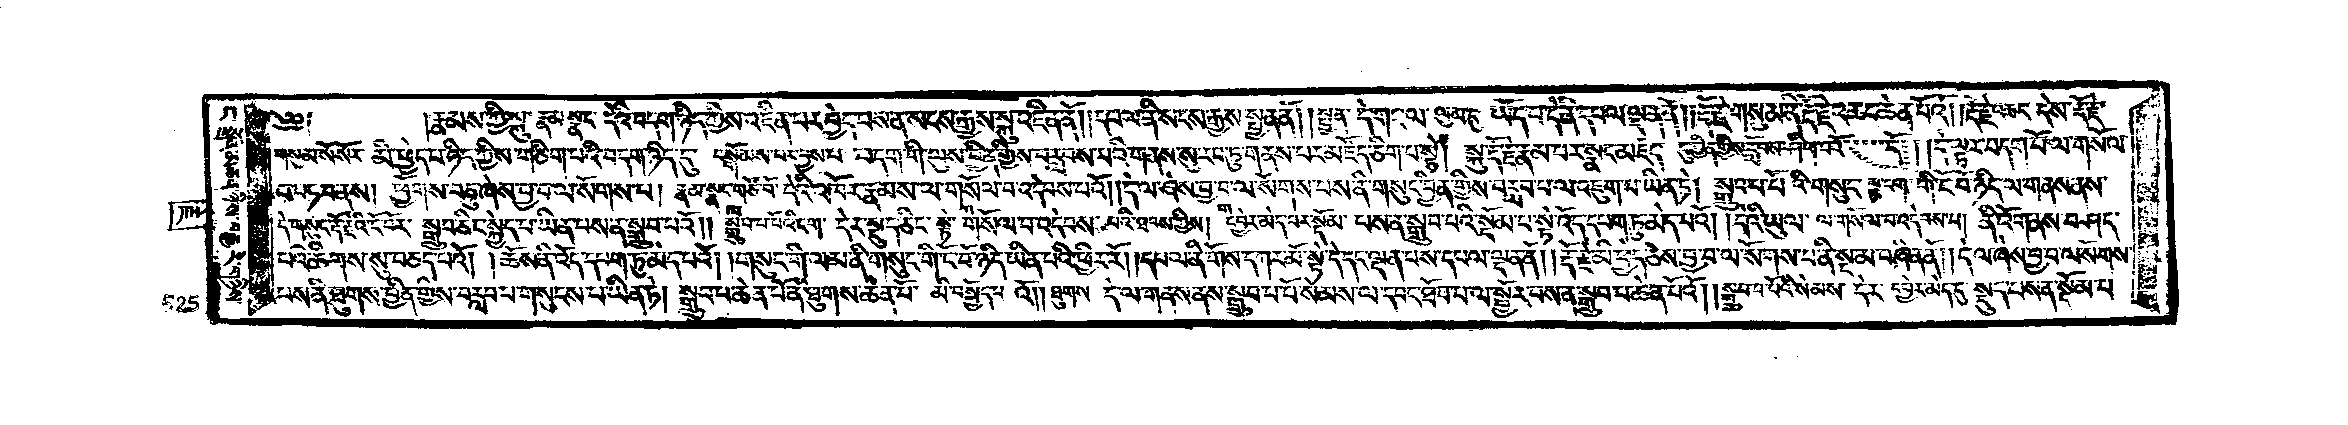༄༅། །རྣམས་ཀྱི་སྐུ་རྣམ་སྣང་དེའི་བདག་ཉིད་ཀྱིས་འཛིན་པར་བྱེད་པས་ན་སངས་རྒྱས་སྐུ་འཛིན་ནོ། །དཔལ་ནི་སངས་རྒྱས་སྤྱན་ནོ། །སྤྱན་དེ་གང་ལ་ཡུམ་དུ་ཡོད་པ་དེ་ནི་དཔལ་ལྡན་ནོ། །རྡོ་རྗེ་གསུམ་ནི་རྡོ་རྗེ་འཆང་ཆེན་པོའོ། །རྡོ་རྗེ་འཆང་དེས་རྡོ་རྗེ་
གསུམ་སོ་སོར་མི་ཕྱེད་པ་ཉིད་ཀྱིས་གཅིག་པའི་བདག་ཉིད་དུ་བསྒོམས་པར་བྱས་པ་བདག་གི་ལུས་བྱིན་གྱིས་བརླབས་པའི་གནས་སུ་རབ་ཏུ་གནས་པར་མཛོད་ཅིག་པ་སྟེ། སྐུ་རྡོ་རྗེ་རྣམ་པར་སྣང་མཛད་དུ་བྱིན་གྱིས་རློབས་ཤིག་པའོ་དོ། །དེ་ལྟར་བདག་པོ་ལ་གསོལ་
བ་བཏབ་ནས། ཕྱོགས་བཅུ་ཞེས་བྱ་བ་ལ་སོགས་པ། རྣམ་སྣང་གཙོ་བོ་དེའི་འཁོར་རྣམས་ལ་གསོལ་བ་འདེབས་པའོ། །དེ་ལ་ཞེས་བྱ་བ་ལ་སོགས་པས་ནི་གསུང་བྱིན་གྱིས་བརླབ་པ་ལ་འཇུག་པ་ཡིན་ཏེ། བསྒྲུབ་པ་པོའི་གསུང་སྟ་ངག་གི་ངོ་བོ་ཉིད་ལ་གནས་ནས་
དེ་གསུང་རྡོ་རྗེའི་ངོ་བོར་སྒྲུབ་ཅིང་སྐྱེད་པ་ཡིན་པས་ན་སྒྲུབ་པའོ། །སྒྲུབ་པ་པོའི་ངག་དེར་སྡུད་ཅིང་སྟེ་གསོལ་བ་འདེབས་པའི་ཐབས་ཀྱེས། དབྱེར་མེད་པར་སྡོམ་པས་ན་སྒྲུབ་པའི་སྡོམ་པ་སྟེ་འོད་དཔག་ཏུ་མེད་པའོ། །དེའི་ཡུལ་ལ་གསོལ་བ་འདེབས་པ་ནི་འོག་ནས་བཤད་
པའི་ཚིགས་སུ་བཅད་པའི། །ཆོས་ནི་འོད་དཔག་ཏུ་མེད་པའོ། །གསུང་གི་ལམ་ནི་གསུང་གི་ངོ་བོ་ཉིད་ཡིན་པའི་ཕྱིར་རོ། །དཔལ་ནི་གོས་དཀར་མོ་སྟེ་ད་དང་ལྡན་པས་དཔལ་ལྡན་ནོ། །རྡོ་རྗེ་མི་ཕྱེད་ཅས་བྱ་བ་ལ་སོགས་པ་ནི་སྔ་མ་བཞིན་ནོ། །དེ་ལ་ཞེས་བྱ་བ་ལ་སོགས་
པས་ནི་ཐུགས་བྱིན་གྱིས་བརླབ་པ་གསུངས་པ་ཡིན་ཏེ། སྒྲུབ་པ་ཆེན་པོ་ནི་ཐུགས་ཆེན་པོ་མི་བསྐྱོད་པའོ། །ཐུགས་དེ་ལ་གནས་ནས་སྒྲུབ་པ་པོ་སེམས་ལ་དབང་ཐོབ་པ་ལ་སྦྱོར་བས་ན་སྒྲུབ་པ་ཆེན་པོའི། །སྒྲུབ་པ་པོའི་སེམས་དེར་དབྱེར་མེད་དུ་སྡུད་པས་ན་སྡོམ་པ་